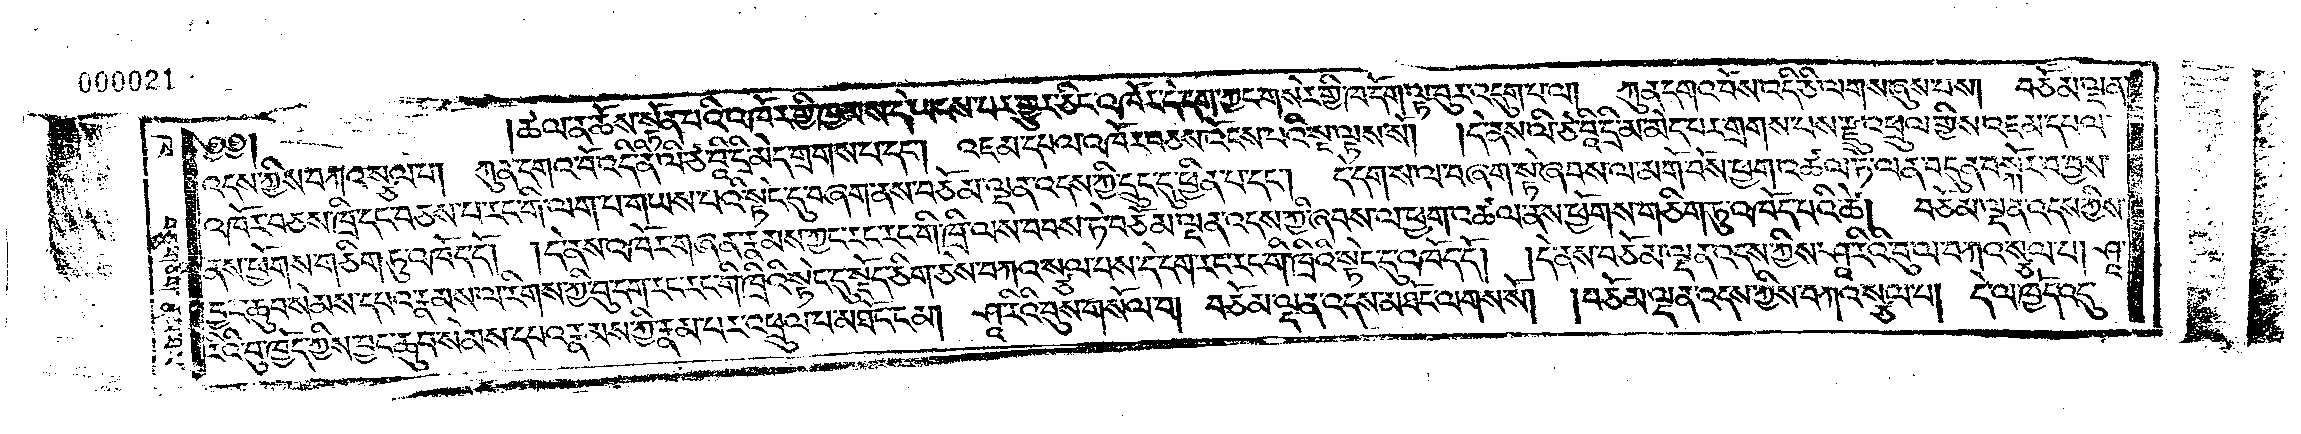༄༅། །ཚལ་ན་ཆོས་སྟོན་པའི་འཁོར་གྱི་ཁྱམས་དེ་ཡངས་པར་གྱུར་ཅིང་འཁོར་དེ་དག་ཀྱང་གསེར་གྱི་ཁ་དོག་ལྟ་བུར་འདུག་པ་ལ། ཀུན་དགའ་པོས་འདི་ཅི་ལགས་ཞུས་པས། བཅོམ་ལྡན་
འདས་ཀྱིས་བཀའ་སྩལ་པ། ཀུན་དགའ་བོ་འདི་ནི་ལི་ཙ་བཱི་དྲི་མེད་གྲགས་པ་དང་། འཇམ་དཔལ་འཁོར་བཅས་འོངས་པའི་སྔ་ལྟས་སོ། །དེ་ནས་ལི་ཙ་བཱི་དྲི་མ་མེད་བར་གྲགས་པས་རྫུ་འཕྲུལ་གྱིས་འཇམ་དཔལ་
འཁོར་བཅས་ཁྲི་དང་བཅས་པ་རང་གི་ལག་པ་གཡས་པའི་སྟེང་དུ་བཞག་ནས་བཅོམ་ལྡན་འདས་ཀྱི་དྲུང་དུ་ཕྱིན་པ་དང་། དེ་དག་ས་ལ་བཞག་སྟེ་ཞབས་ལ་མགོ་བོས་ཕྱག་འཚལ་ཏེ་ལན་བདུན་བསྐོར་བ་བྱས་
ནས་ཕྱོགས་གཅིག་ཏུ་འཁོད་དོ། །དེ་ནས་འཁོར་གཞན་རྣམས་ཀྱང་རང་རང་གི་ཁྲི་ལས་བབས་ཏེ་བཅོམ་ལྡན་འདས་ཀྱི་ཞབས་ལ་ཕྱག་འཚལ་ནས་ཕྱོགས་གཅིག་ཏུ་འཁོད་པའི་ཚེ། བཅོམ་ལྡན་འདས་ཀྱིས་
བྱང་ཆུབ་སེམས་དཔའ་རྣམས་ལ་རིགས་ཀྱི་བུ་དག་རང་རང་གི་ཁྲིའི་སྟེང་དུ་སྡོད་ཅིག་ཅེས་བཀའ་སྩལ་པས་དེ་དག་རང་རང་གི་ཁྲིའི་སྟེང་དུ་འཁོད་དོ། །དེ་ནས་བཅོམ་ལྡན་འདས་ཀྱིས་ཤཱ་རིའི་བུ་ལ་བཀའ་སྩལ་པ། ཤཱ་
རིའི་པུ་ཁྱོད་ཀྱིས་བྱང་ཆུབ་སེམས་དཔའ་རྣམས་ཀྱི་རྣམ་པར་འཕྲུལ་པ་མཐོང་ངམ། ཤཱ་རིའི་བུས་གསོལ་བ། བཅོམ་ལྡན་འདས་མཐོང་ལགས་སོ། །བཅོམ་ལྡན་འདས་ཀྱིས་བཀའ་སྩལ་པ། དེ་ལ་ཁྱོད་འདུ་